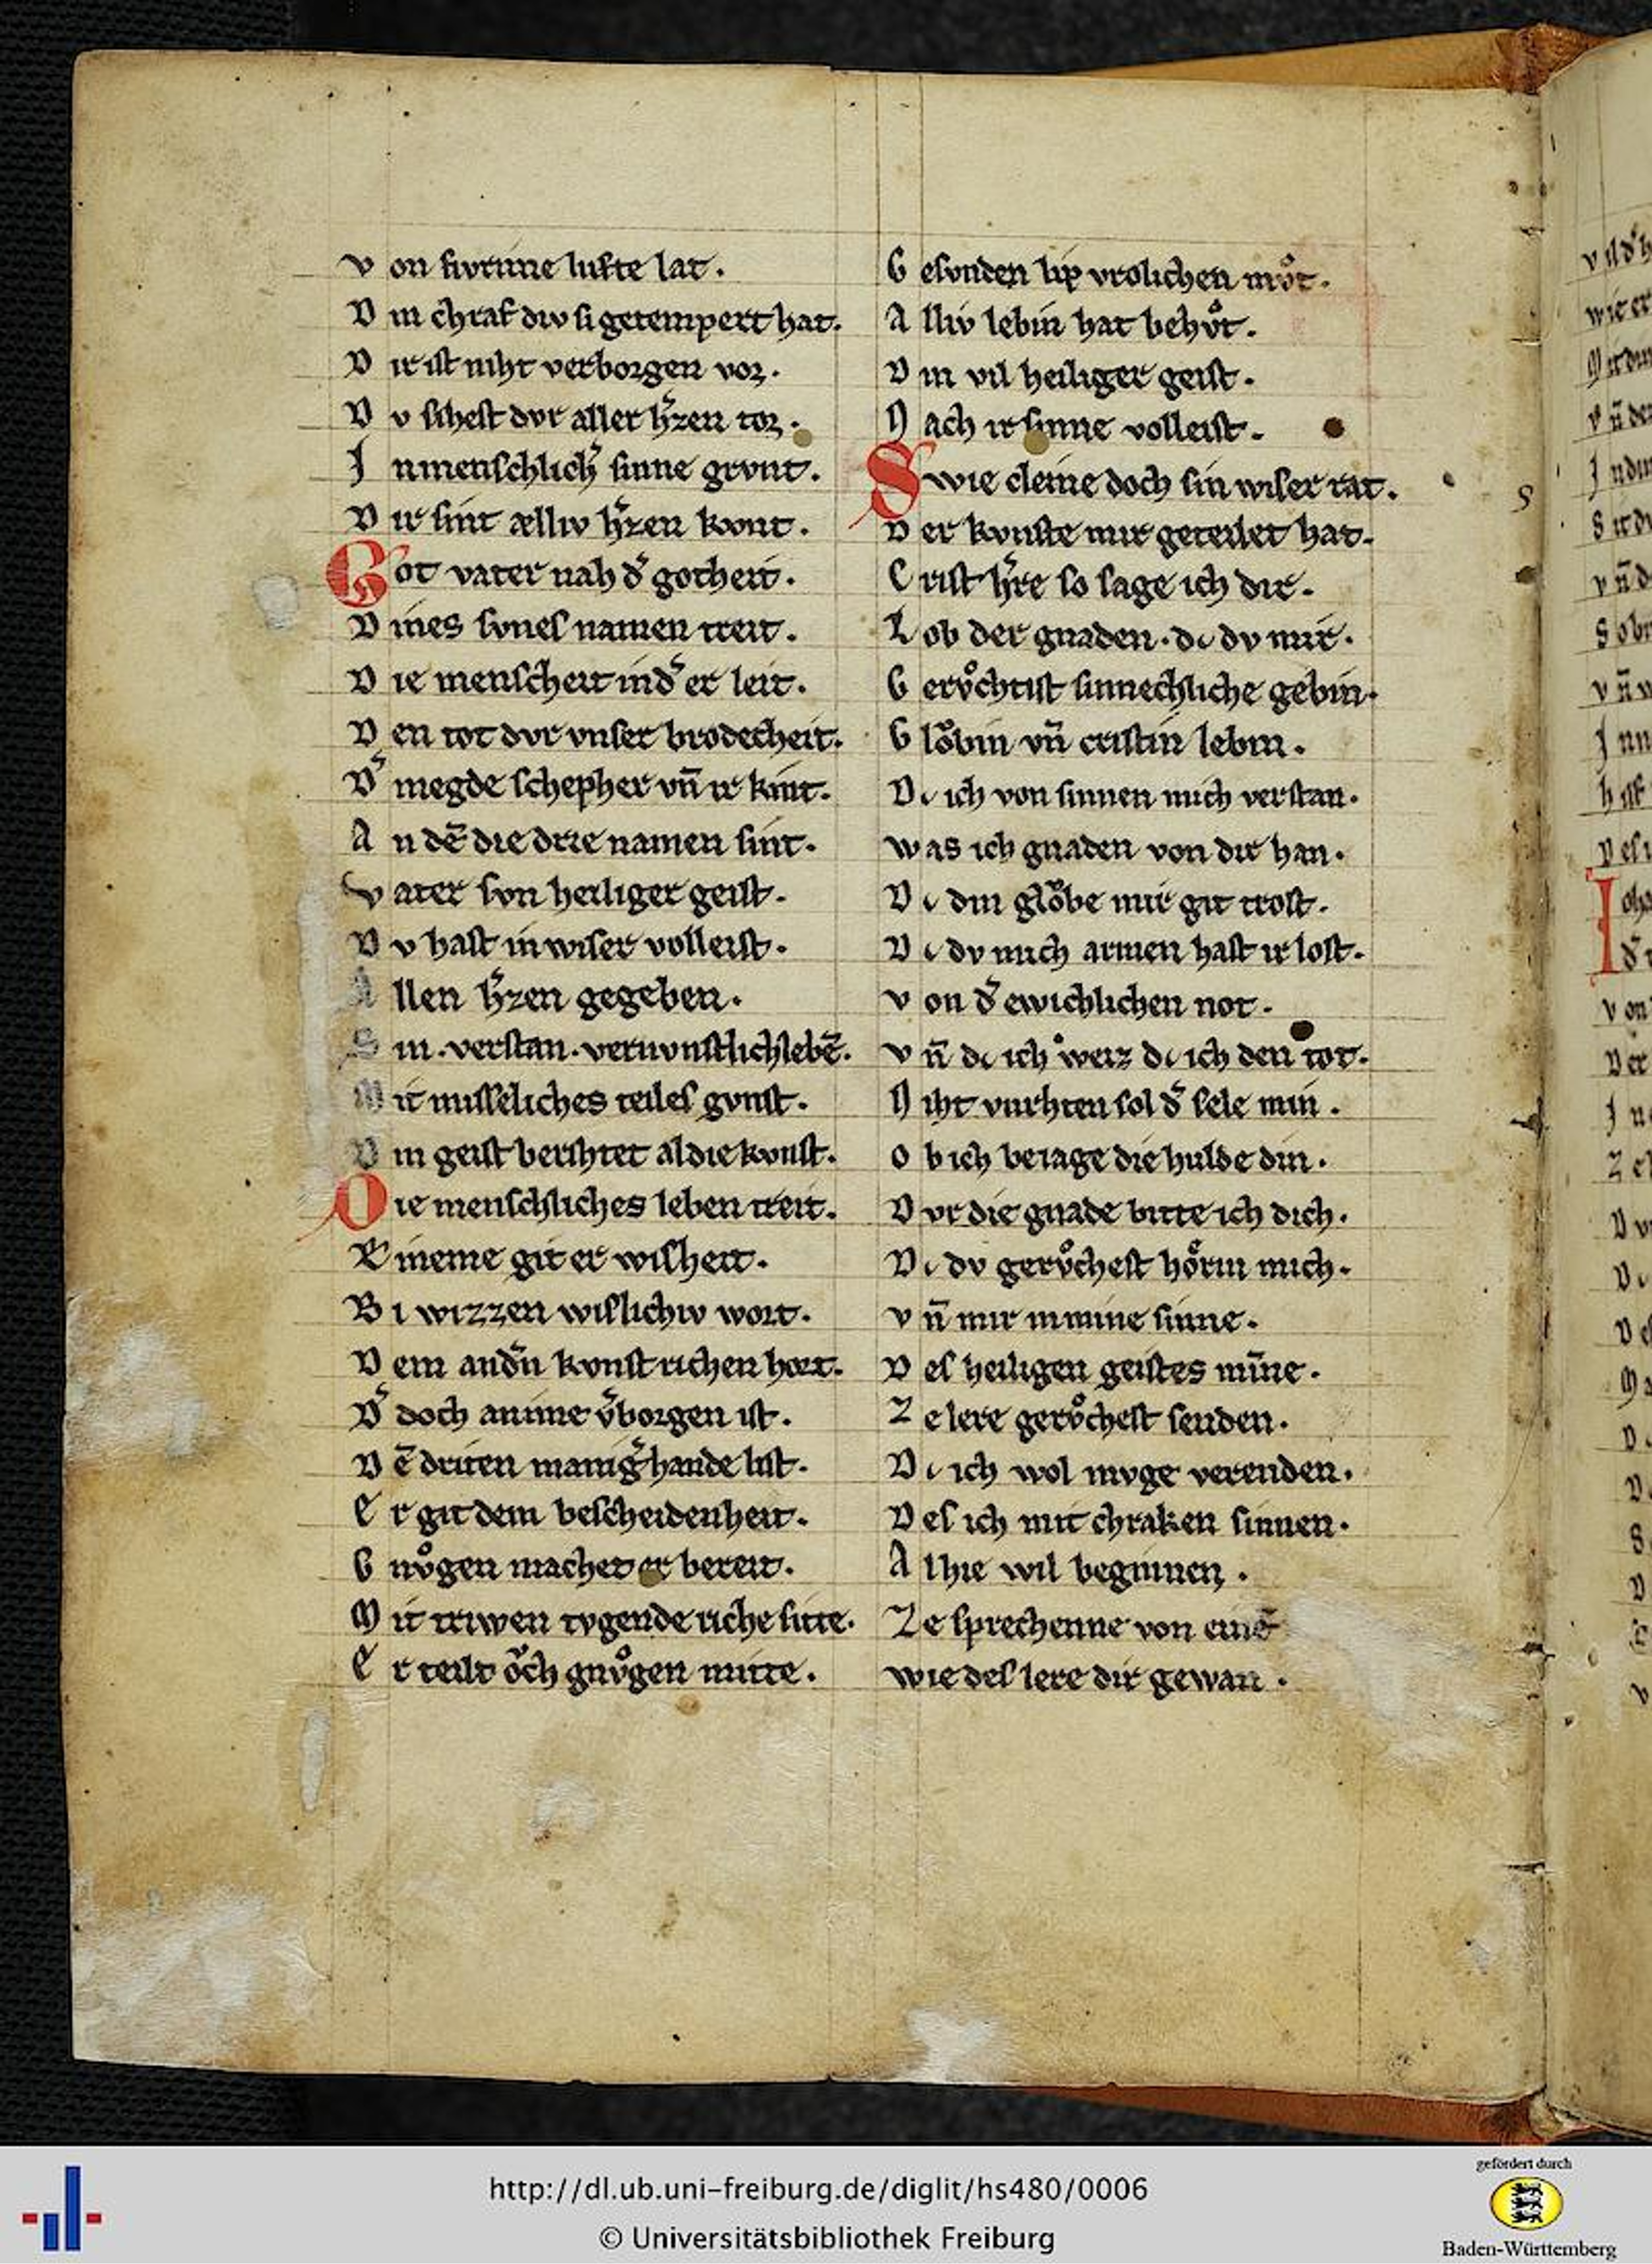Von fivrime lufte lat.
Din chraf div ſi getempert hat.
Dir iſt niht verborgen vor.
Dv ſiheſt dvr aller h(er)zen tor.
Inmenſchlich(er) ſinne grvnt.
Dir ſint [ae]lliv h(er)zen kvnt.
*Got vater nah d(er) gotheit.
Dines ſuneſ namen treit.
Die menſcheit ind(er) er leit.
Den tot dvr vnſer brodecheit.
D(er) megde ſchepher vn(d) ir kint.
An de(m) die drie namen ſint.
Vater ſvn heiliger geiſt.
Dv haſt in wiſer volleiſt.
Allen h(er)zen gegeben.
Sin. verſtan. vernvnftlichlebe(n).
Mit miſſeliches teileſ gvnſt.
Din geiſt berihtet aldie kvnſt.
*Die menſchliches leben treit.
Eineme git er wiſheit.
Bi wizzen wiſlichiv wort.
Dem and(er)n kvnſt richen hort.
D(er) doch anime v(er)borgen iſt.
De(m) driten manig(er) hande liſt.
Er git dem beſcheidenheit.
Gnv°ogen machet er bereit.
Mit triwen tvgende riche ſitte.
Er teilt o°vch gnv°ogen mitte.
Geſvnden lip vrolichen mv°ot.
Alliv lebin hat behv°ot.
Din vil heiliger geiſt.
Nach ir ſinne volleiſt.
*Swie cleine doch ſin wiſer rat.
Der kvnſte mir geteilet hat.
Criſt h(er)re ſo ſage ich dir.
Lob der gnaden. d(az) dv mir.
Gerv°ochtiſt ſinnechliche gebin.
Glo°vbin vn(d) criſtin lebin.
D(az) ich von ſinnen mich verſtan.
Was ich gnaden von dir han.
D(az) din glo°vbe mir git troſt.
D(az) dv mich armen haſt ir loſt.
Von d(er) ewichlichen not.
Vn(d) d(az) ich weiz d(az) ich den tot.
Niht vurhten ſol d(er) ſele min.
Ob ich beiage die hulde din.
Dvr die gnade bitte ich dich.
D(az) dv gerv°ocheſt ho°erin mich.
Vn(d) mir in mine ſinne.
Deſ heiligen geiſtes mi(n)ne.
Ze lere gerv°ocheſt ſenden.
D(az) ich wol mvge verenden.
Deſ ich mit chraken ſinnen.
Alhie wil beginnen.
Ze ſprechene von eine(m) xxx
Wie deſ lere dir gewan.